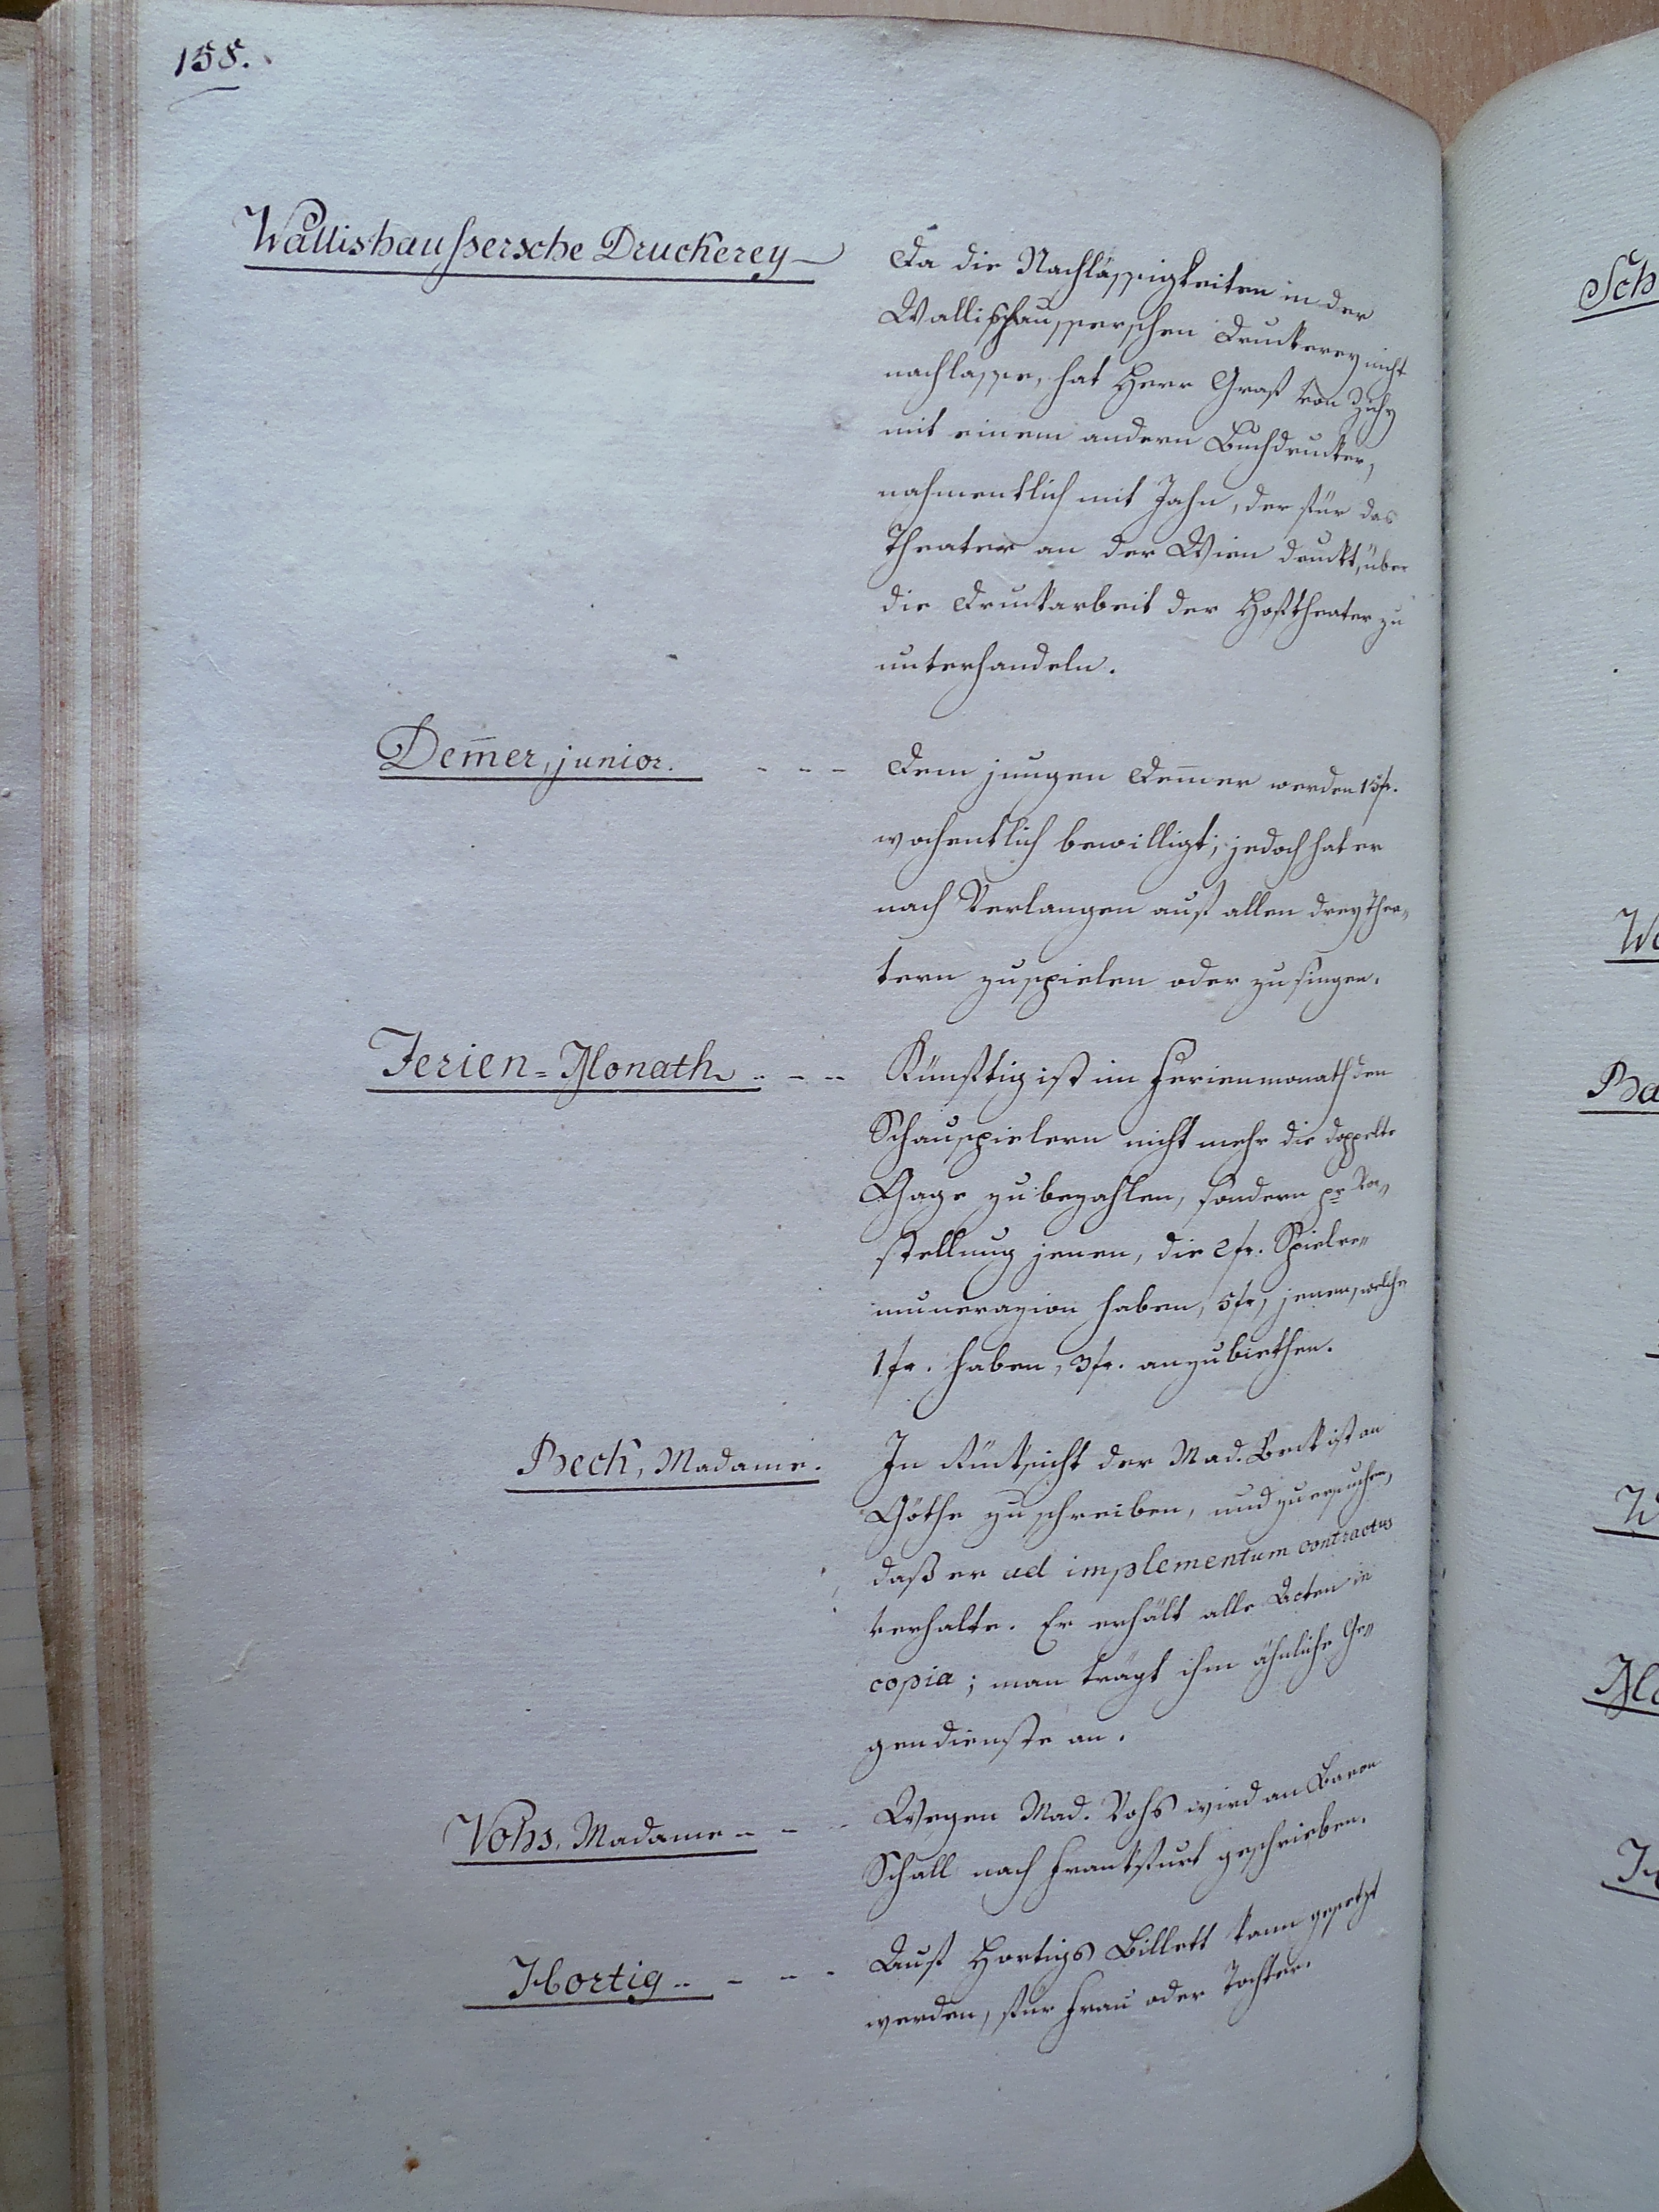158.
Wallishaussersche Druckerey Da die Nachlässigkeiten in der
Wallishausserschen Druckerey nicht
nachlasse, hat Herr Graf von Zichy
mit einem andern Aufdruncker,
nahmentlich mit Jahn,der für das
Theater an der Wien druckt, über
die Druckarbeit der Hoftheater zu
unterhandeln.
Dem̅er, junior. .. .. .. Dem jungen Dem̅er werden 15fr.
wochentlich bewilligt; jedoch hat er
nach Verlangen auf allen drey Thea¬
tern zu spielen oder zu singen.
Ferien=Monath .. .. .. Künftig ist im Ferienmonath den
Schauspielern nicht mehr die doppelte
Gage zu bezahlen, sondern pr͇ Vor¬
stellung jenen, die 2fr. Spielre¬
munerazion haben, 5fr, jenen, welche
1fr. haben, 3fr. anzubiethen.
Beck, Madame. In Rücksicht der Mad. Beck ist an
Göthe zu schreiben, und zu ersuchen,
daß er ad implementum contractus
verhalte. Er erhält alle Acten in
copia; man trägt ihm ähnliche Ge¬
gendienste an.
Vohs, Madame .. .. .. Wegen Mad. Vohs wird an Baron
Schall nach Frankfurt geschrieben.
Hortig .. .. .. . Auf Hortigs Billet kann gesetzt
werden, für Frau oder Tochter.